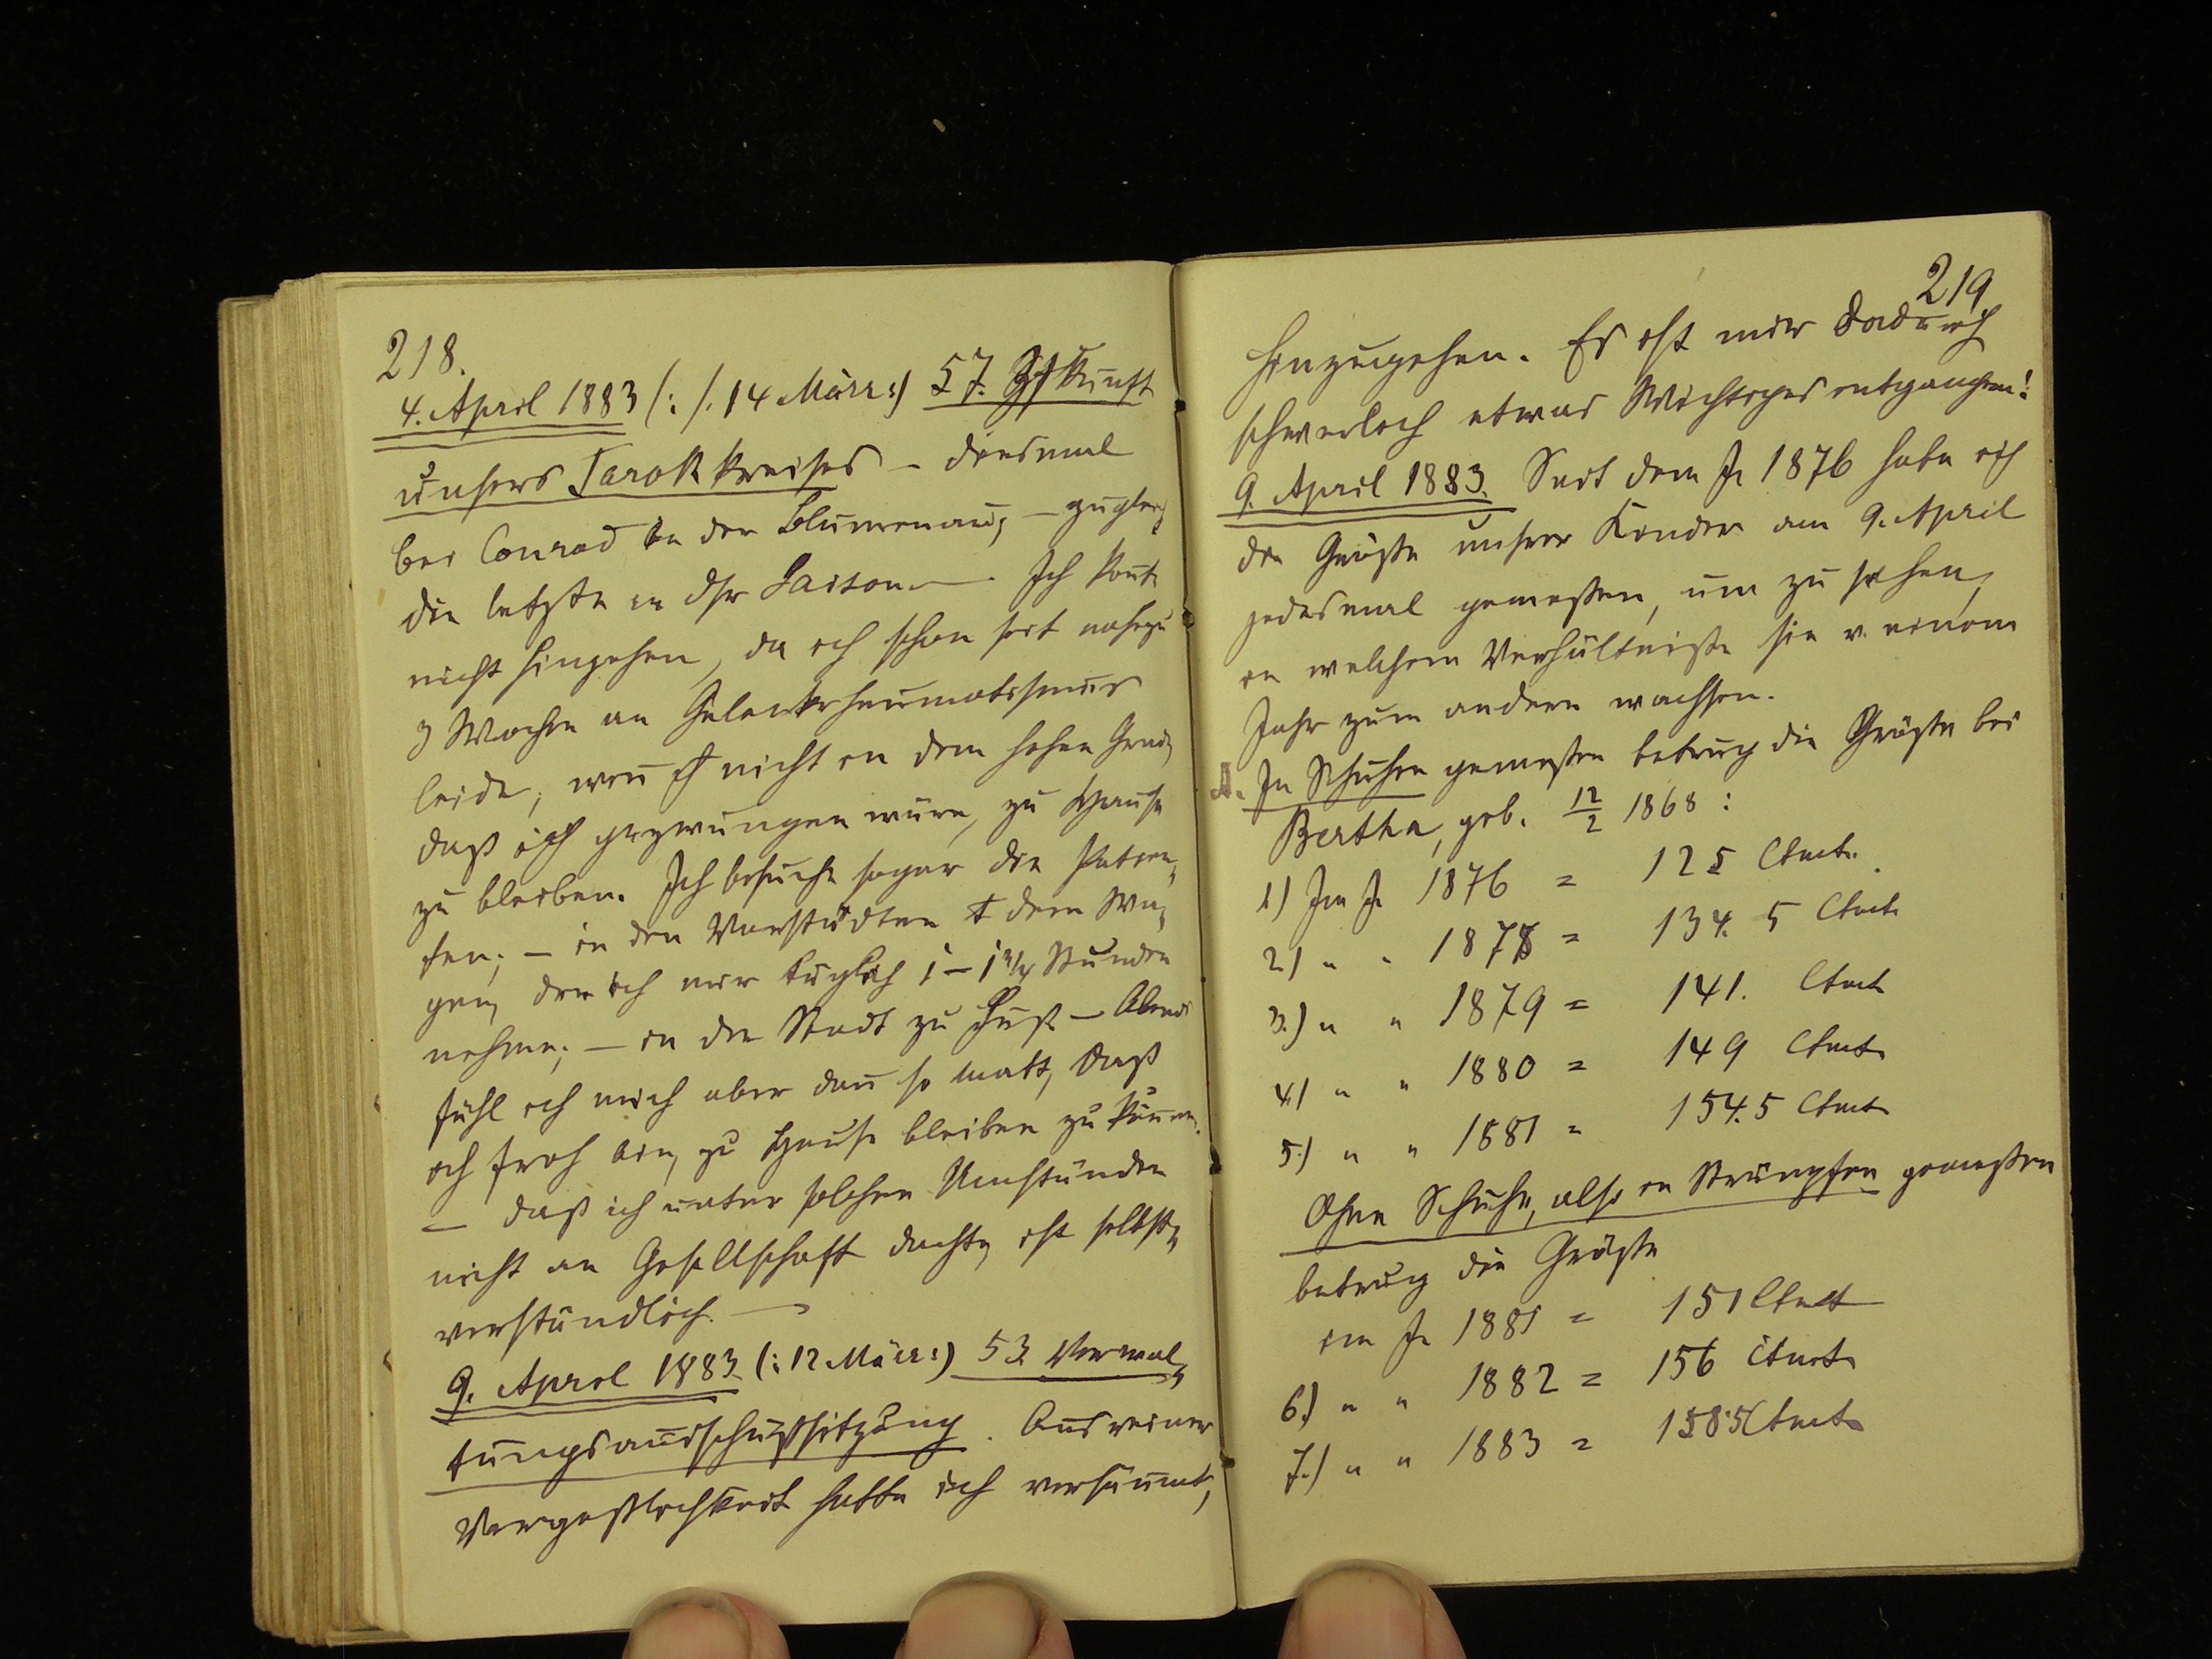218
4. April 1883 (: 14 März. ) 57. Zusammenkunft
unseres Tarokkreises.- diesmal
bei Conrad in der Blumenau,- zugleich
die letzte in dieser Saison.- Ich konnte
nicht hingehen, da ich schon seit nahezu
3 Wochen an Gelenkrheumatismus
leide, wenn auch nicht in dem hohen Grade,
daß ich gezwungen wäre zu Hause
zu bleiben. Ich besuche sogar die Patien¬
ten;- in den Vorstädten mit dem Wa¬
gen, den ich mir täglich 1-1.3/4 Stunden
nehme;--in der Stadt zu Fuß - Abends
fühle ich mich aber dann so matt, daß
ich froh bin zu Hause bleiben zu können
- daß ich unter solchen Umständen
nicht an Gesellschaft dachte ist selbst¬
verständlich.—
9. April 1883 (: 12 März :) 53. Verwal¬
tungsausschutzsitzung. Aus meiner
Vergeßlichkeit hatte ich vesäumt
219
hinzugehen. Es ist mir dadurch
schwerlich etwas Wichtiges entgangen! -
9. April 1883. Seit dem Januar 1876 habe
ich die Größe unserer Kinder am 9. April
jedesmal gemeßen, um zu sehen
in welchem Verhälniße sie von einem
Jahr zum anderen wachsen.
A: In Schuhen gemeßen betrug die Größe bei
Bertha 12/2 1868:
1) Im Jahre 1876 = 125 ctmtr
2) 1878 = 134,5 ctmtr
3) 1879 = 141 ctmtr
4) 1880 = 149 ctmtr
5) 1881 = 154,5 ctmtr
Ohne Schuhe, also in Strümpfen gemeßen
betrug die Größe
Im Jahr 1881 = 151 ctmtr
6) 1882 = 156 ctmtr
7) 1883 = 158,5 ctmtr